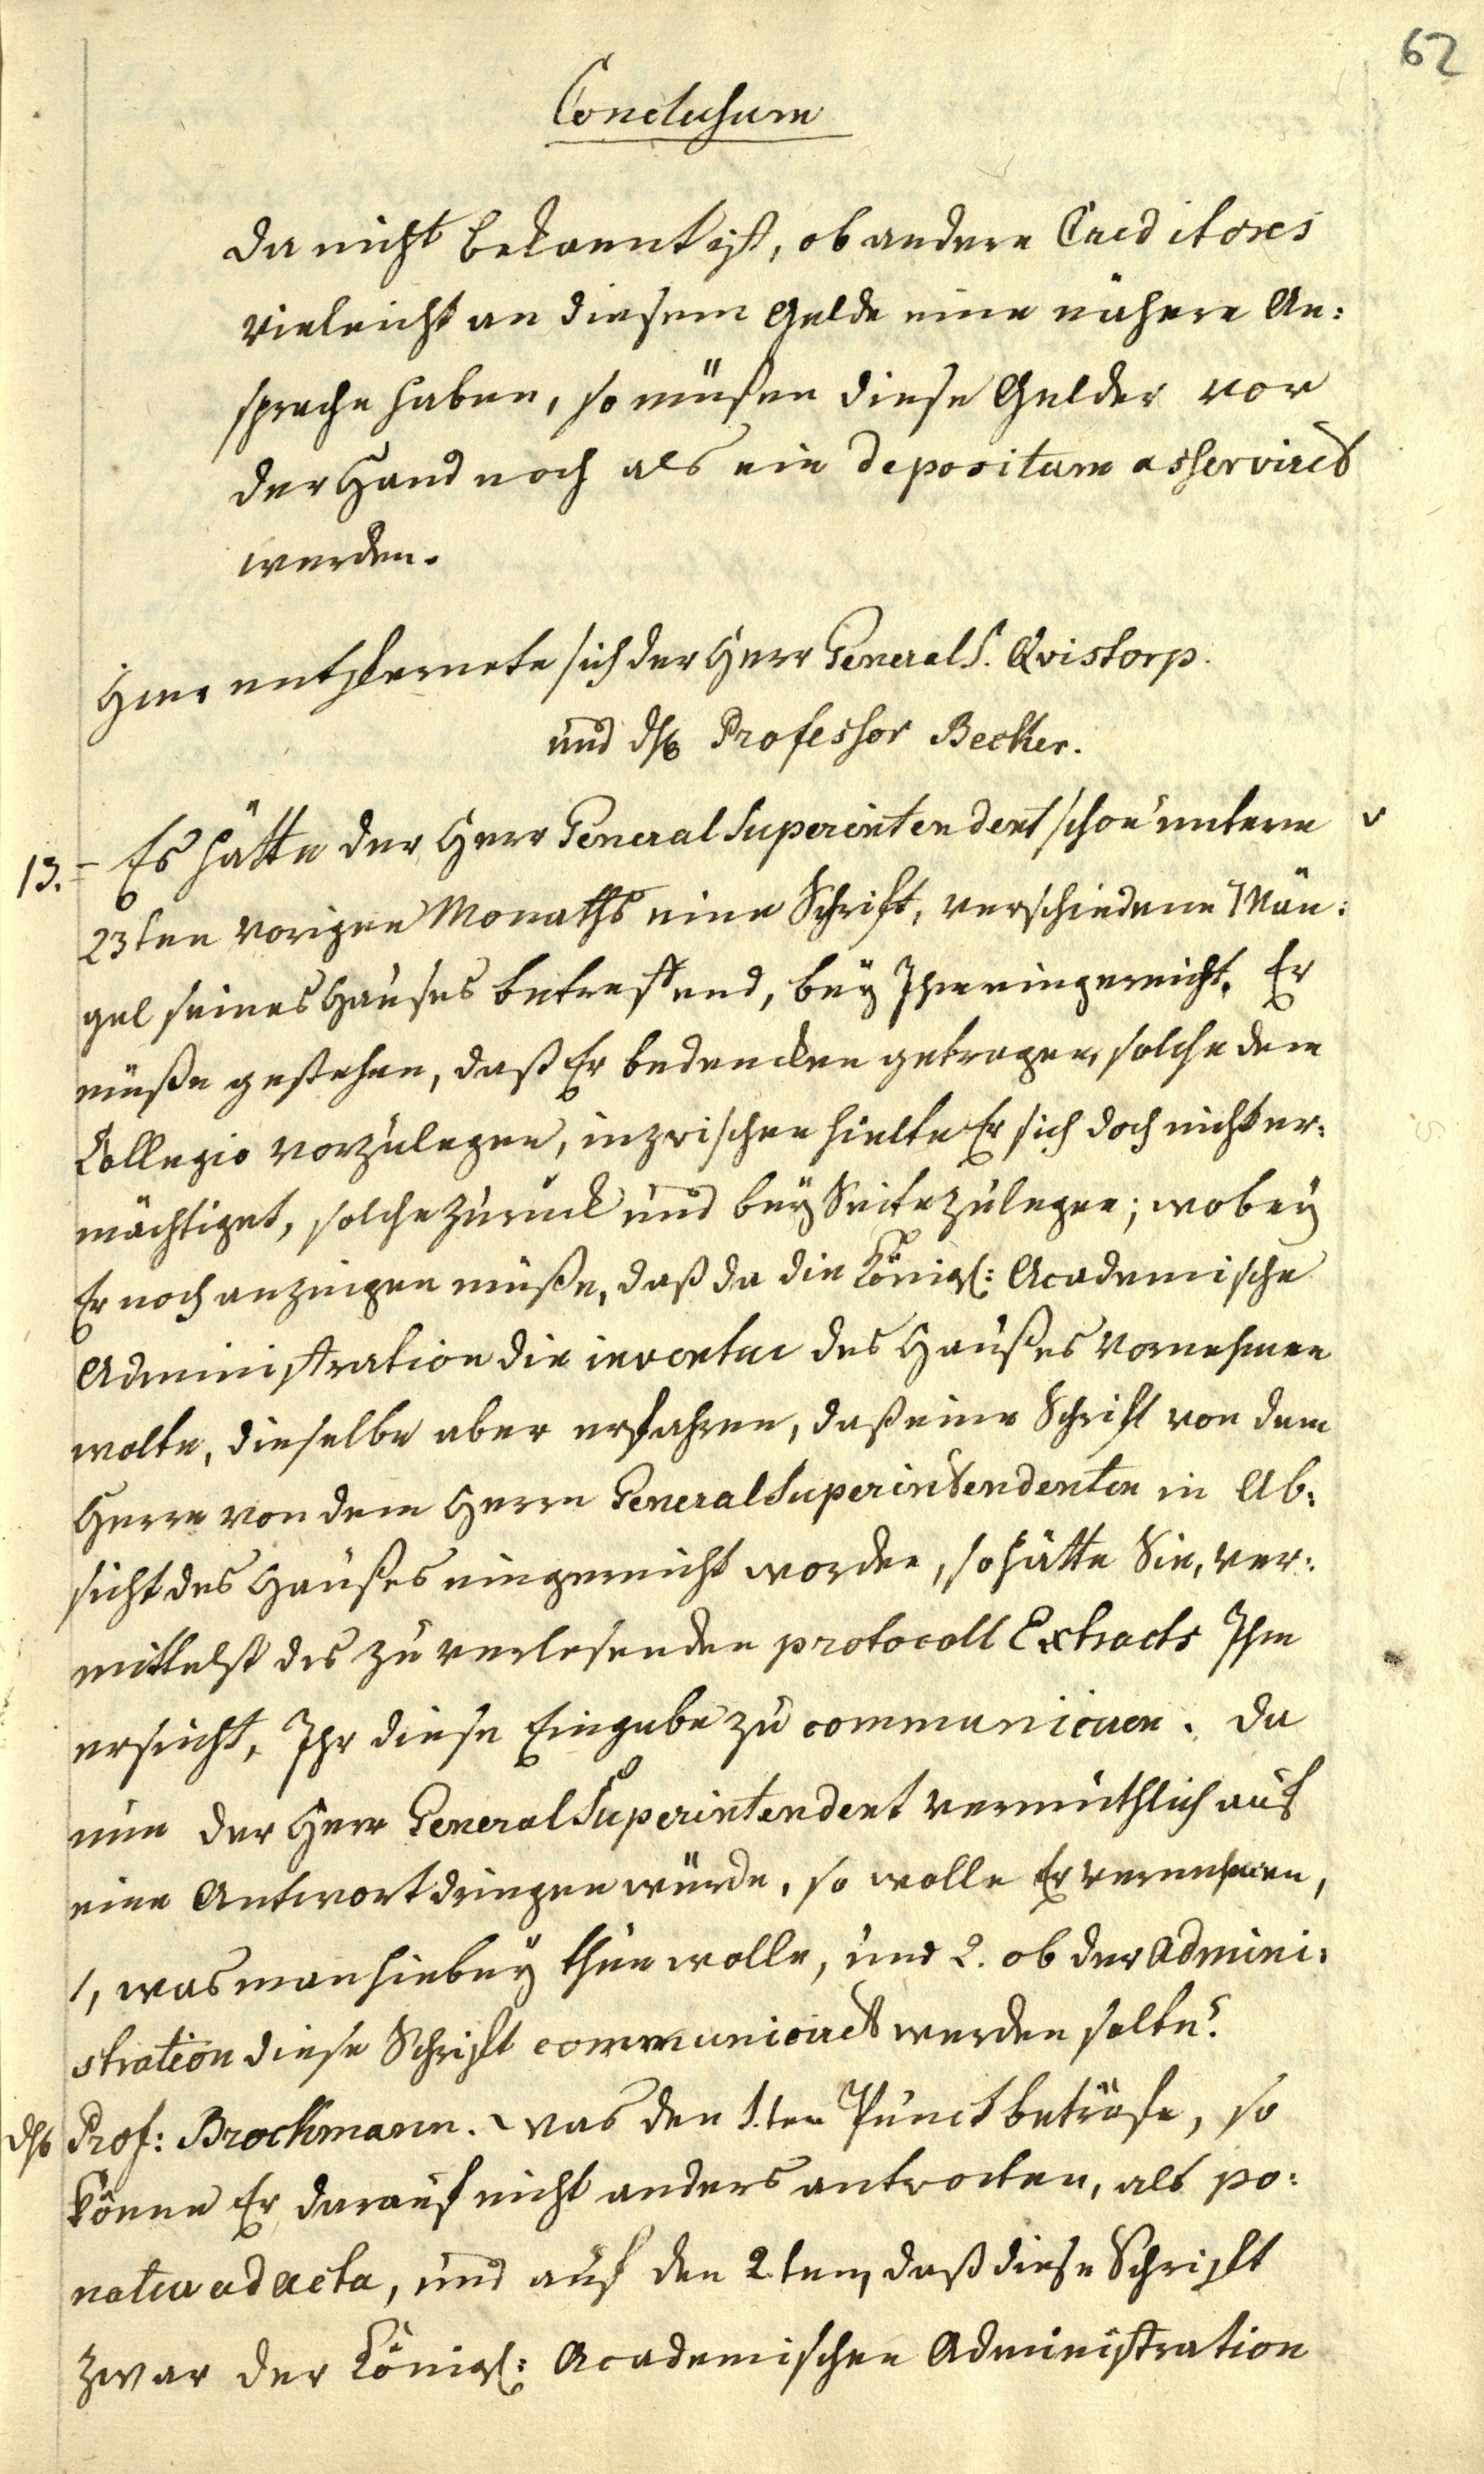Conclusum
Da nicht bekannt ist, ob andere Creditores
vieleicht an diesem Gelde eine nähere An¬
sprache haben, so müßen diese Gelder vor
der Hand noch als ein depositum asserviret
werden.
Hier entfernete sich der Herr GeneralS. Quistorp
und dh Professor Becker.
13. Es hätte der Herr GeneralSuperintendent schon unterm
23 ten vorigen Monaths eine Schrift, verschiedene Män¬
gel seines Hauses betreffend, beÿ Ihm eingereicht, Er
müße gestehen, daß Er Bedencken getragen, solche dem
Collegio vorzulegen, inzwischen hielte Er sich doch nicht er¬
mächtiget, solche zurück und beÿ Seite zulegen; wobeÿ
Er noch anzeigen müße, daß da die Königl. Academische
Administration die inventur des Haußes vornehmen
wolte, dieselbe aber erfahren, daß eine Schrift von dem
Herrn von dem Herrn GeneralSuperintendenten in Ab¬
sicht des Haußes eingereicht worden, so hätte Sie, ver¬
mittelst des zu verlesenden protocoll Extracts Ihm
ersucht, Ihr diese Eingabe zu communiciren. Da
nun der Herr GeneralSuperintendent vermuthlich auf
eine Antwort dringen würde, so wolle Er vernehmen,
1, was man hiebeÿ thun wolle, und 2. ob der Admini¬
stration diese Schrift communiciret werden solte?
dh Prof. Brockmann. Was den 1 ten Punct beträfe, so
könne Er darauf nicht anders antworten, als po¬
natur ad acta, und auf den 2 ten, daß diese Schrift
zwar der Königl. Academischen Administration